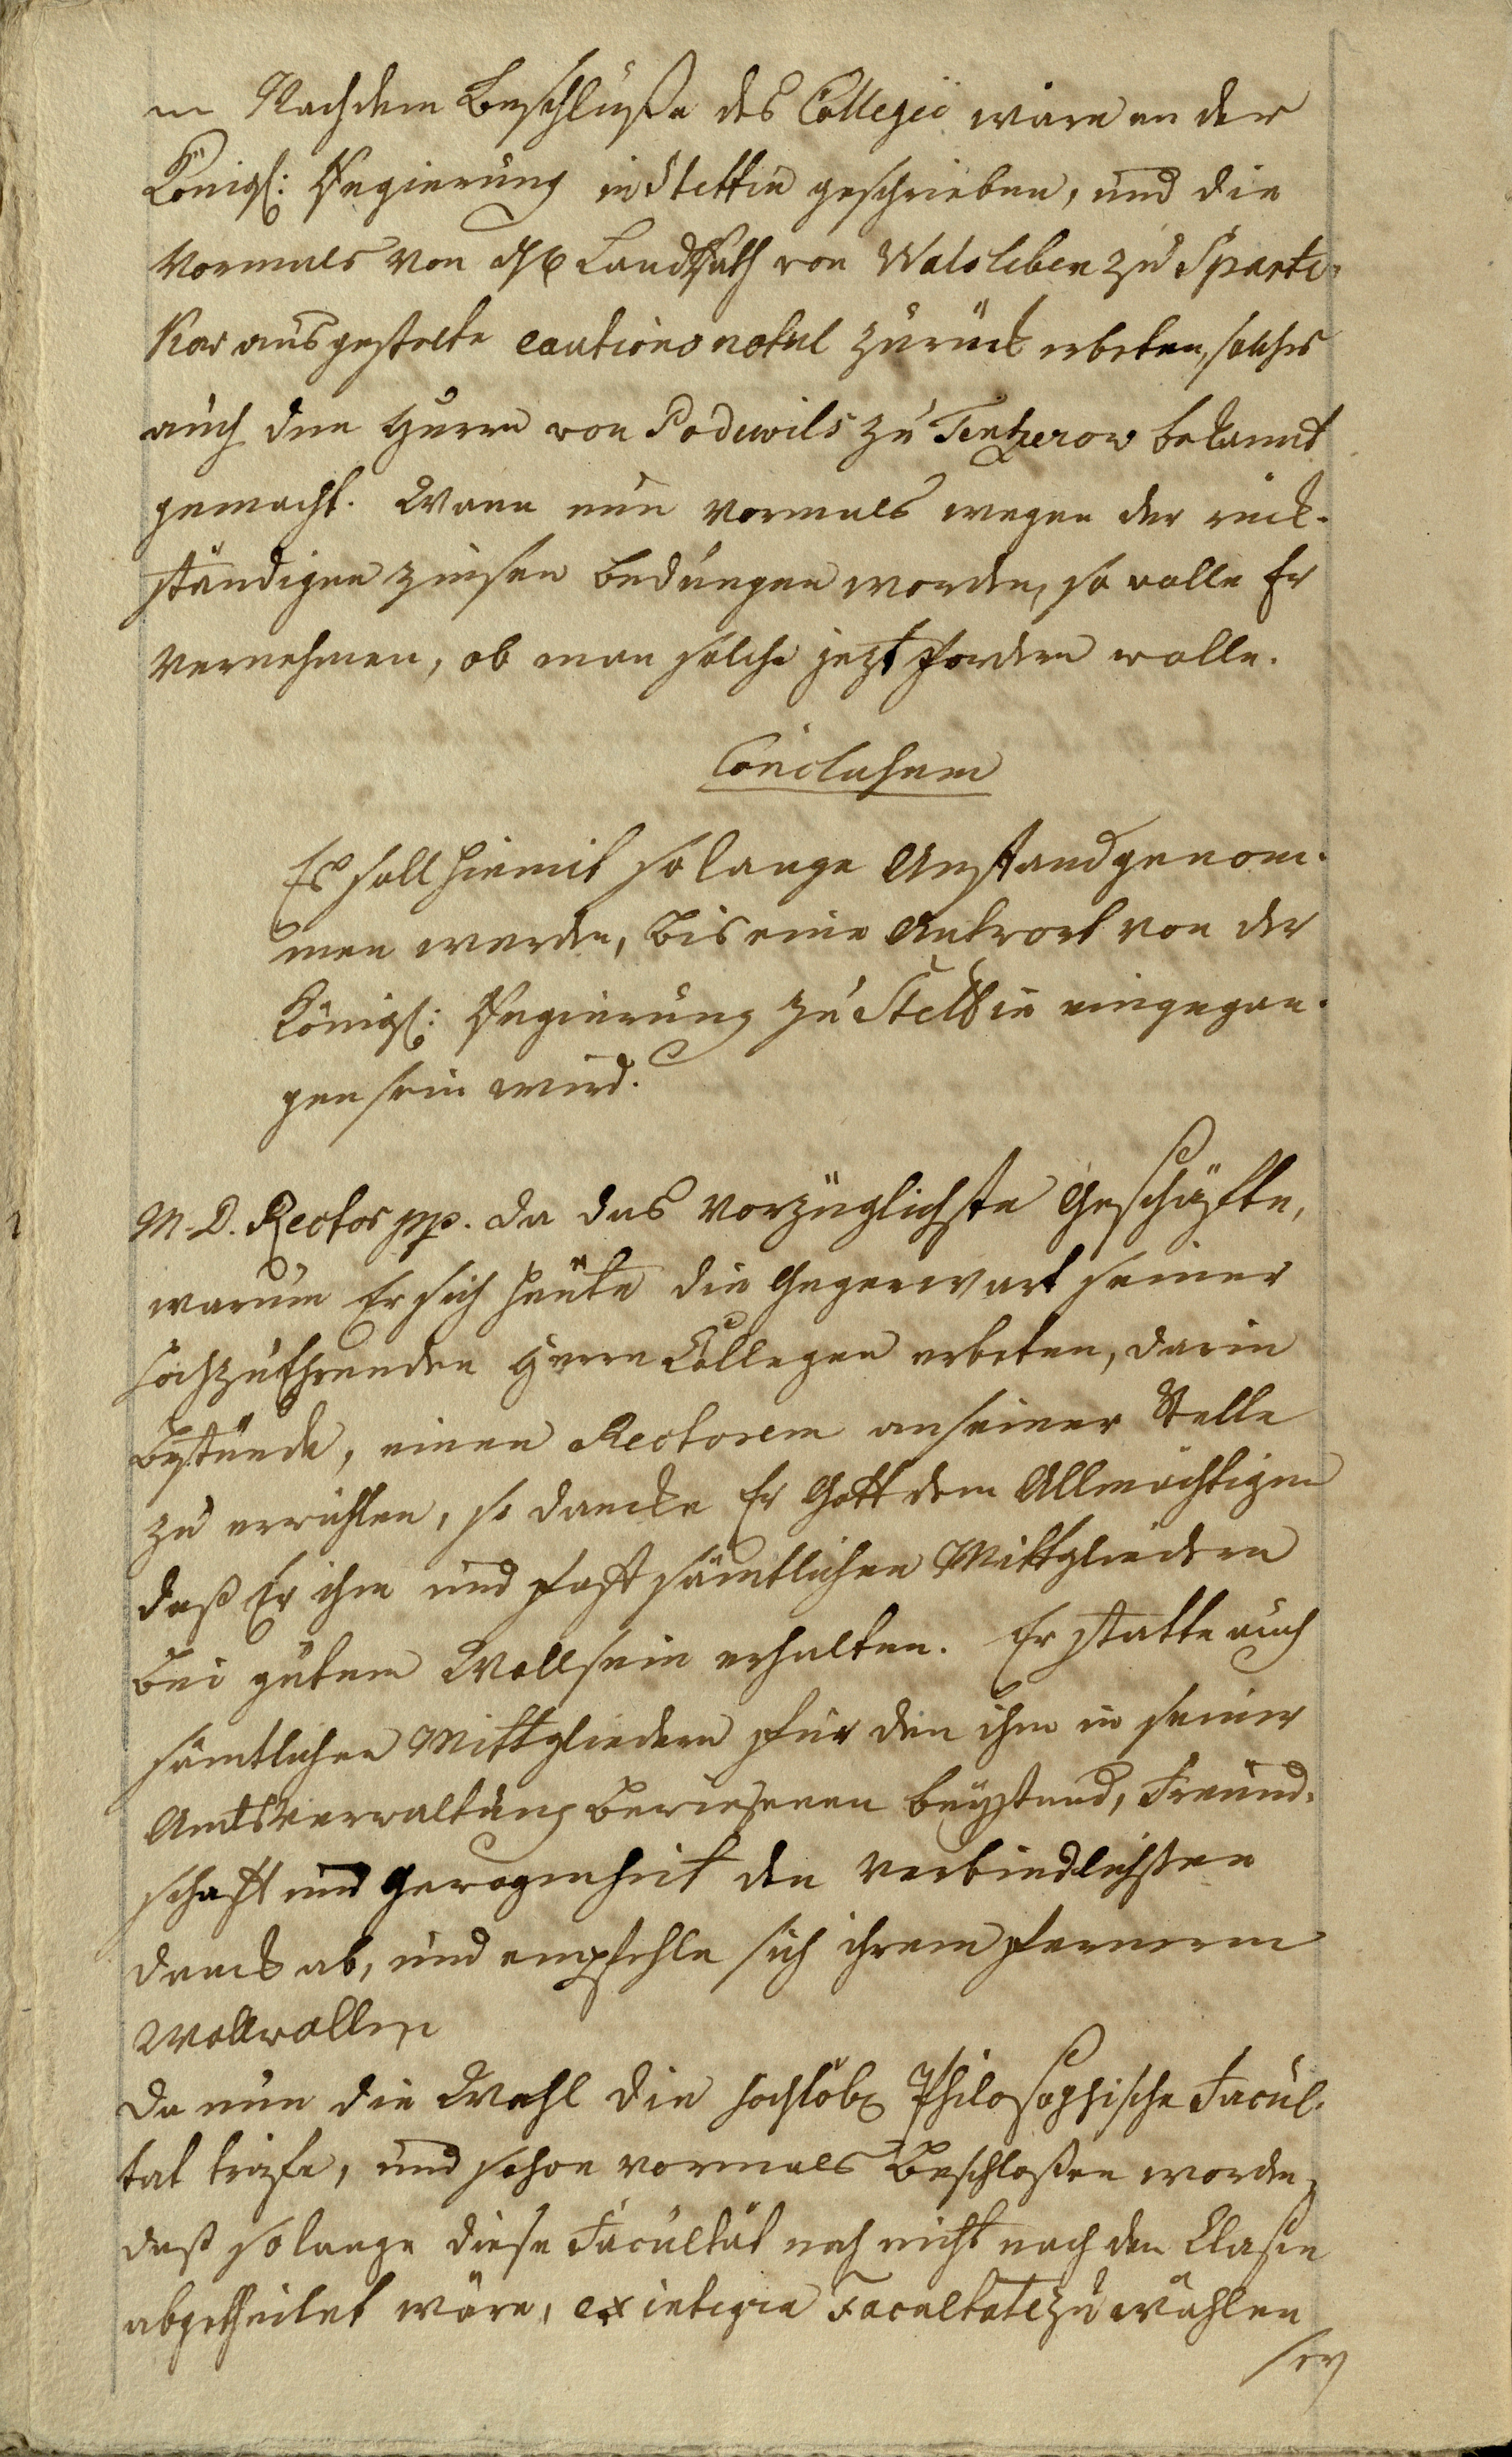Nach dem Beschluß des Collegio wäre an der
Königl. Regierung in Stettin geschrieben, und die
vormals von dh LandRath von Walsleben zu Spante¬
kow aus gestelte Cautions notul zurück erbeten, solches
auch dem Herrn von Podewils zu Tentzerow bekannt
gemacht. Wann nun vormals wegen der rück¬
ständigen Zinsen bedungen worden, so wolle Er
vernehmen, ob man solche jezt fordern wolle.
Conclusum
Es soll hiemit so lange Anstand genom¬
man werden, bis eine Antwort von der
Königl. Regierung zu Stettin eingegan¬
gen sein wird.
M. D. Rector pp. Da das vorzüglichste Geschäfte
warum Er sich heute die Gegenwart seiner
hochzuEhrenden Herrn Collegen erbeten, darin
bestünde, einen Rectorem an seiner Stelle
zu erwählen, so dancke Er Gott dem Allmächtigen
daß Er ihm und fast sämtlichen Mittgliedern
bei gutem Wollsein erhalten. Er statte auch
sämtlichen Mittgliedern für den ihm in seiner
Amtsverwaltung bewiesenen Beÿstand, Freund¬
schaft und Gewogenheit den verbindlichsten
Danck ab, und empfehle sich ihrem fernerm
Wollwollen
Da nun die Wahl die hochlöb. Philosophische Facul¬
tat träfe, und schon vormals beschloßen worden,
daß so lange diese Facultät noch nicht nach den Claßen
abgetheilet wäre, ex integra Facultate zu wählen
sey